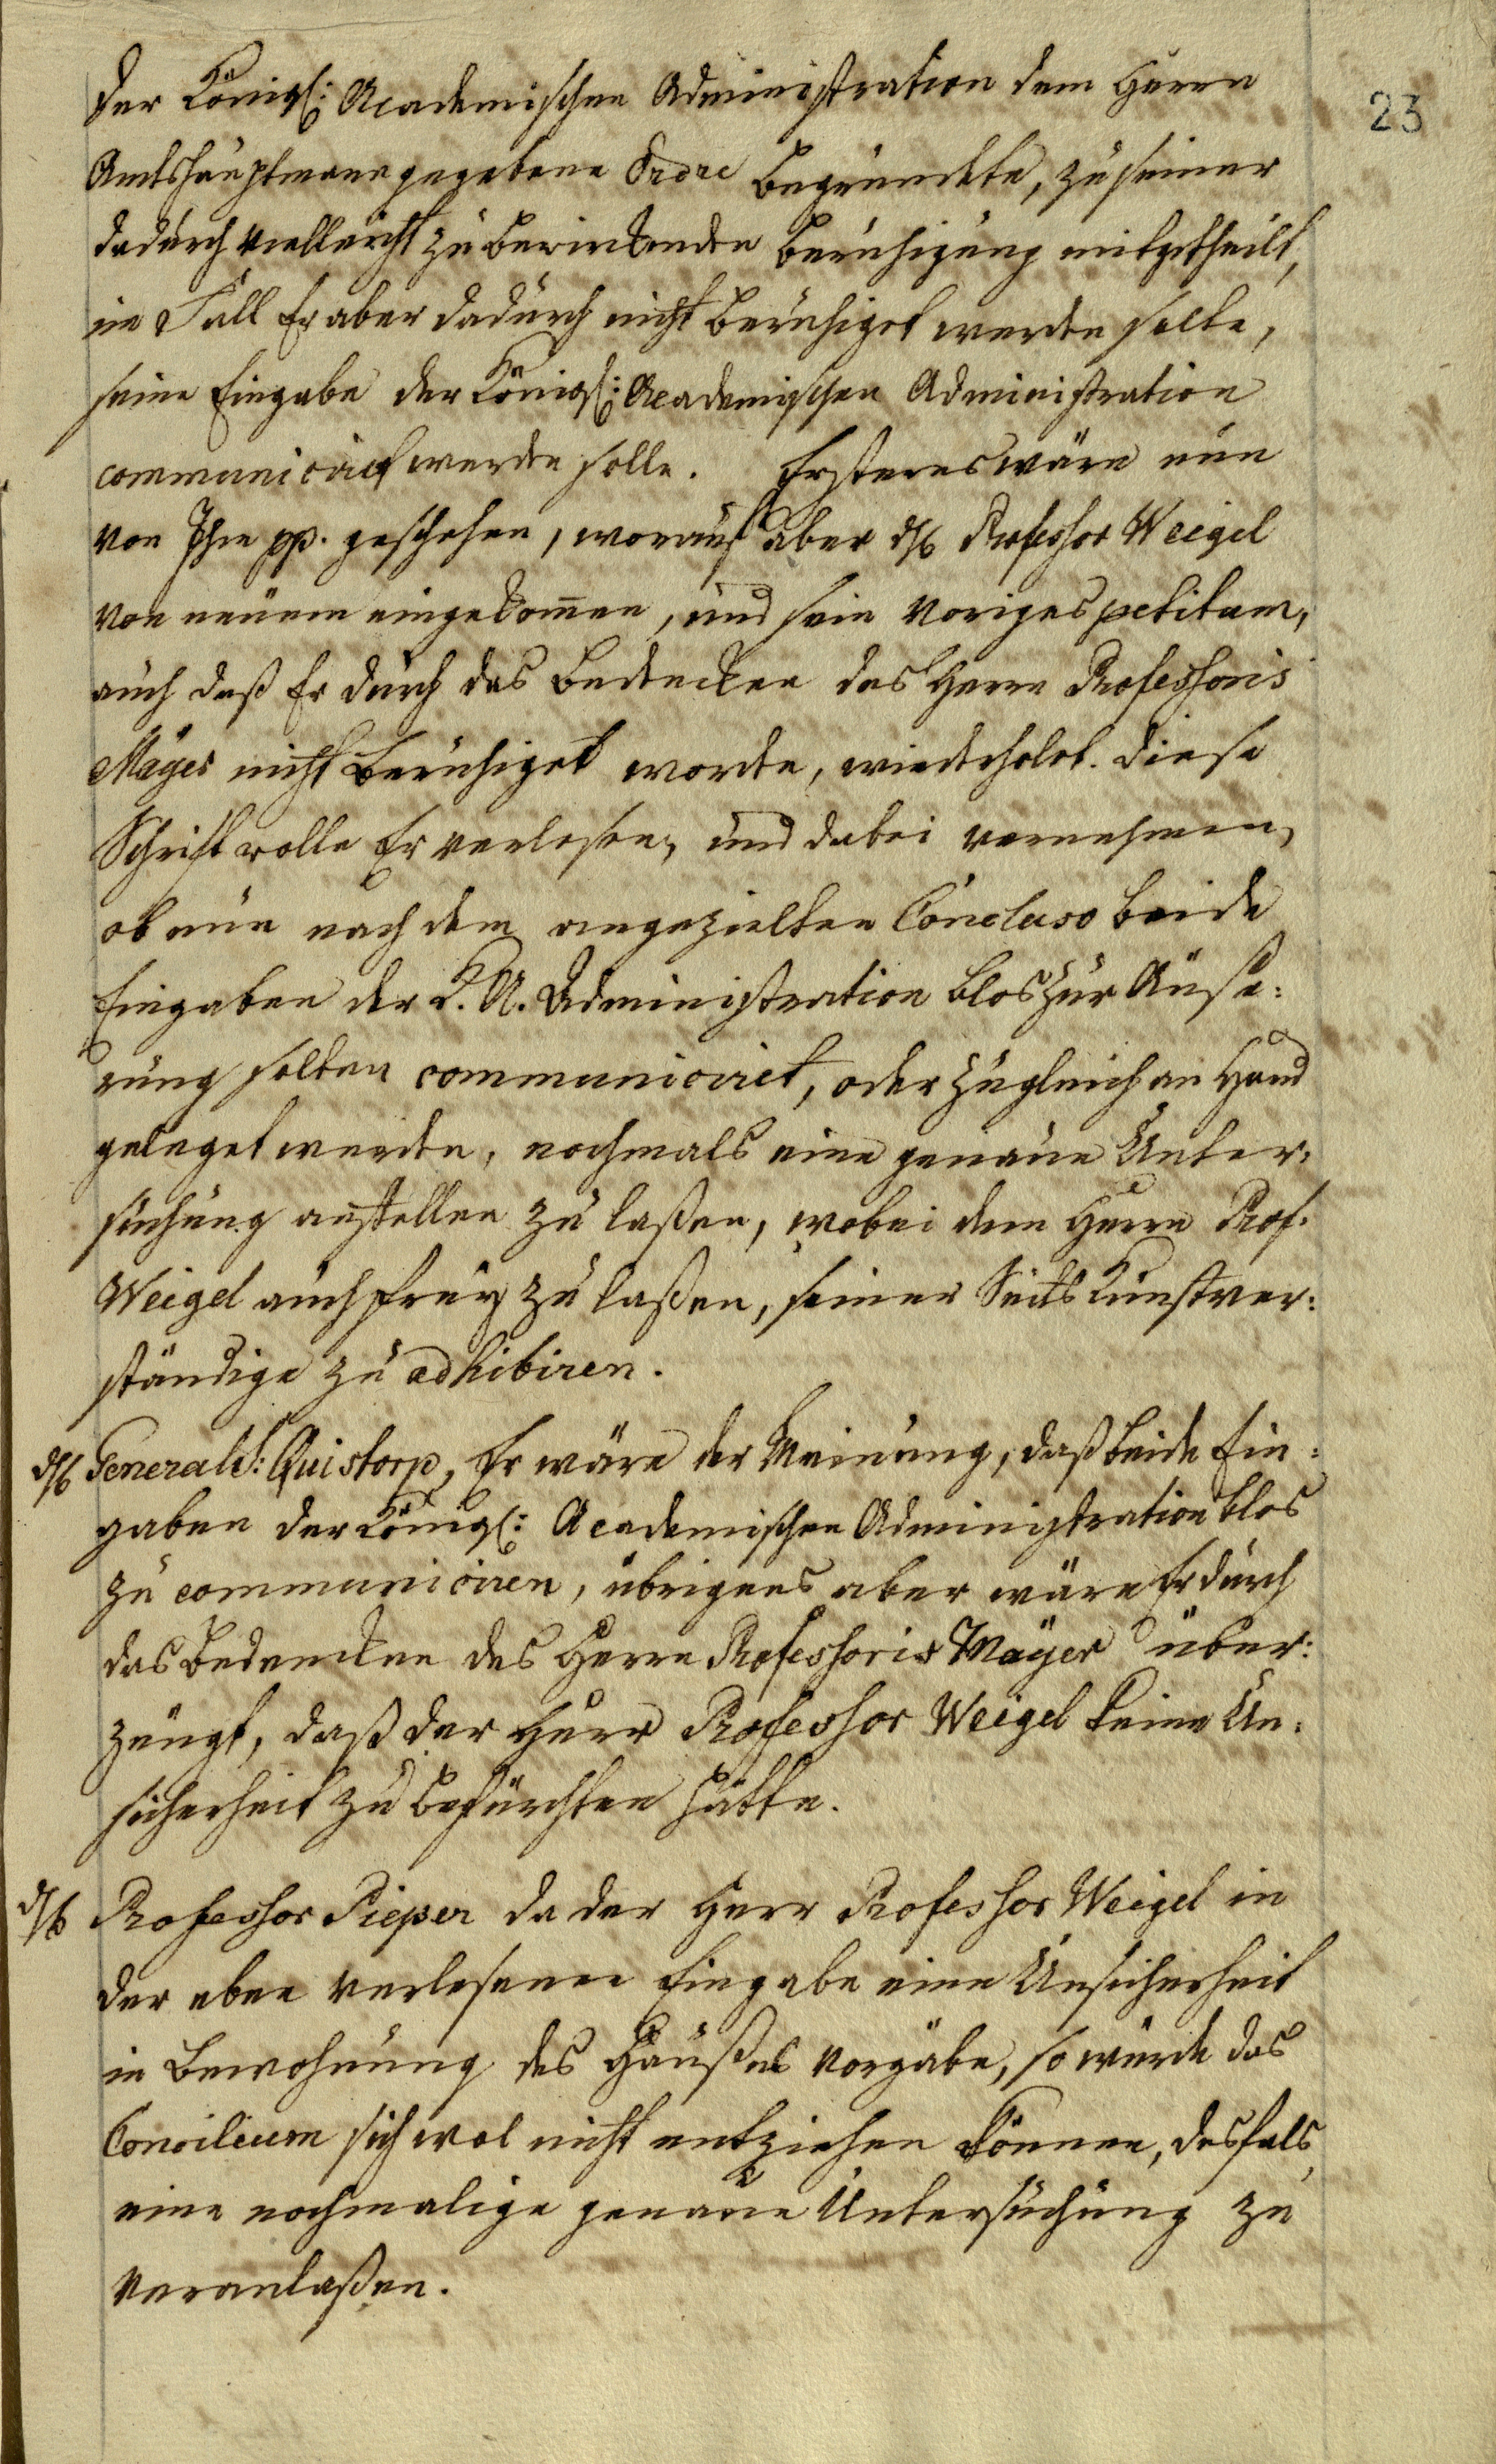der Königl. Academischen Administration dem Herrn
Amtshauptmann gegebene Ordre begründete, zu seiner
dadurch vielleicht zu bewirkenden Beruhigung mitgetheilt,
im Fall Er aber dadurch nicht beruhiget werden solte,
seine Eingabe der Königl. Academischen Administration
communiciret werden solle. Ersteres wäre nun
von Ihm pp. geschehen, worauf aber dh Professor Weigel
von neuem eingekomen, und sein voriges petitum,
auch daß Er durch das Bedenken des Herrn Professoris
Maÿer nicht beruhiget worde, wiederholet. Diese
Schrift wolle Er verlesen, und dabei vernehmen,
ob nun nach dem angezielten Concluso beide
Eingaben der K. A. Administration blos zur Äuße¬
rung sollten communiciret, oder zugleich an Hand
geleget werden, nochmals eine genaue Unter¬
suchung anstellen zu laßen, wobei dem Herrn Prof.
Weigel auch freÿ zu laßen, seiner Seits Kunstver¬
ständige zu adhibiren.
dh GeneralS. Quistorp, Er wäre der Meinung, daß beide Ein¬
gaben der Königl. Academischen Administration blos
zu communiciren, übrigens aber wäre Er durch
das Bedenken des Herrn Professoris Maÿer über¬
zeugt, daß der Herr Professor Weigel keine Un¬
sicherheit zu befürchten hätte.
dh Professor Pieper da der Herr Professor Weigel in
der eben verlesenen Eingabe eine Unsicherheit
in Bewohnung des Hauses vorgäbe, so würde das
Concilium sich wol nicht entziehen können, desfals,
eine nochmalige genaue Untersuchung zu
veranlaßen.